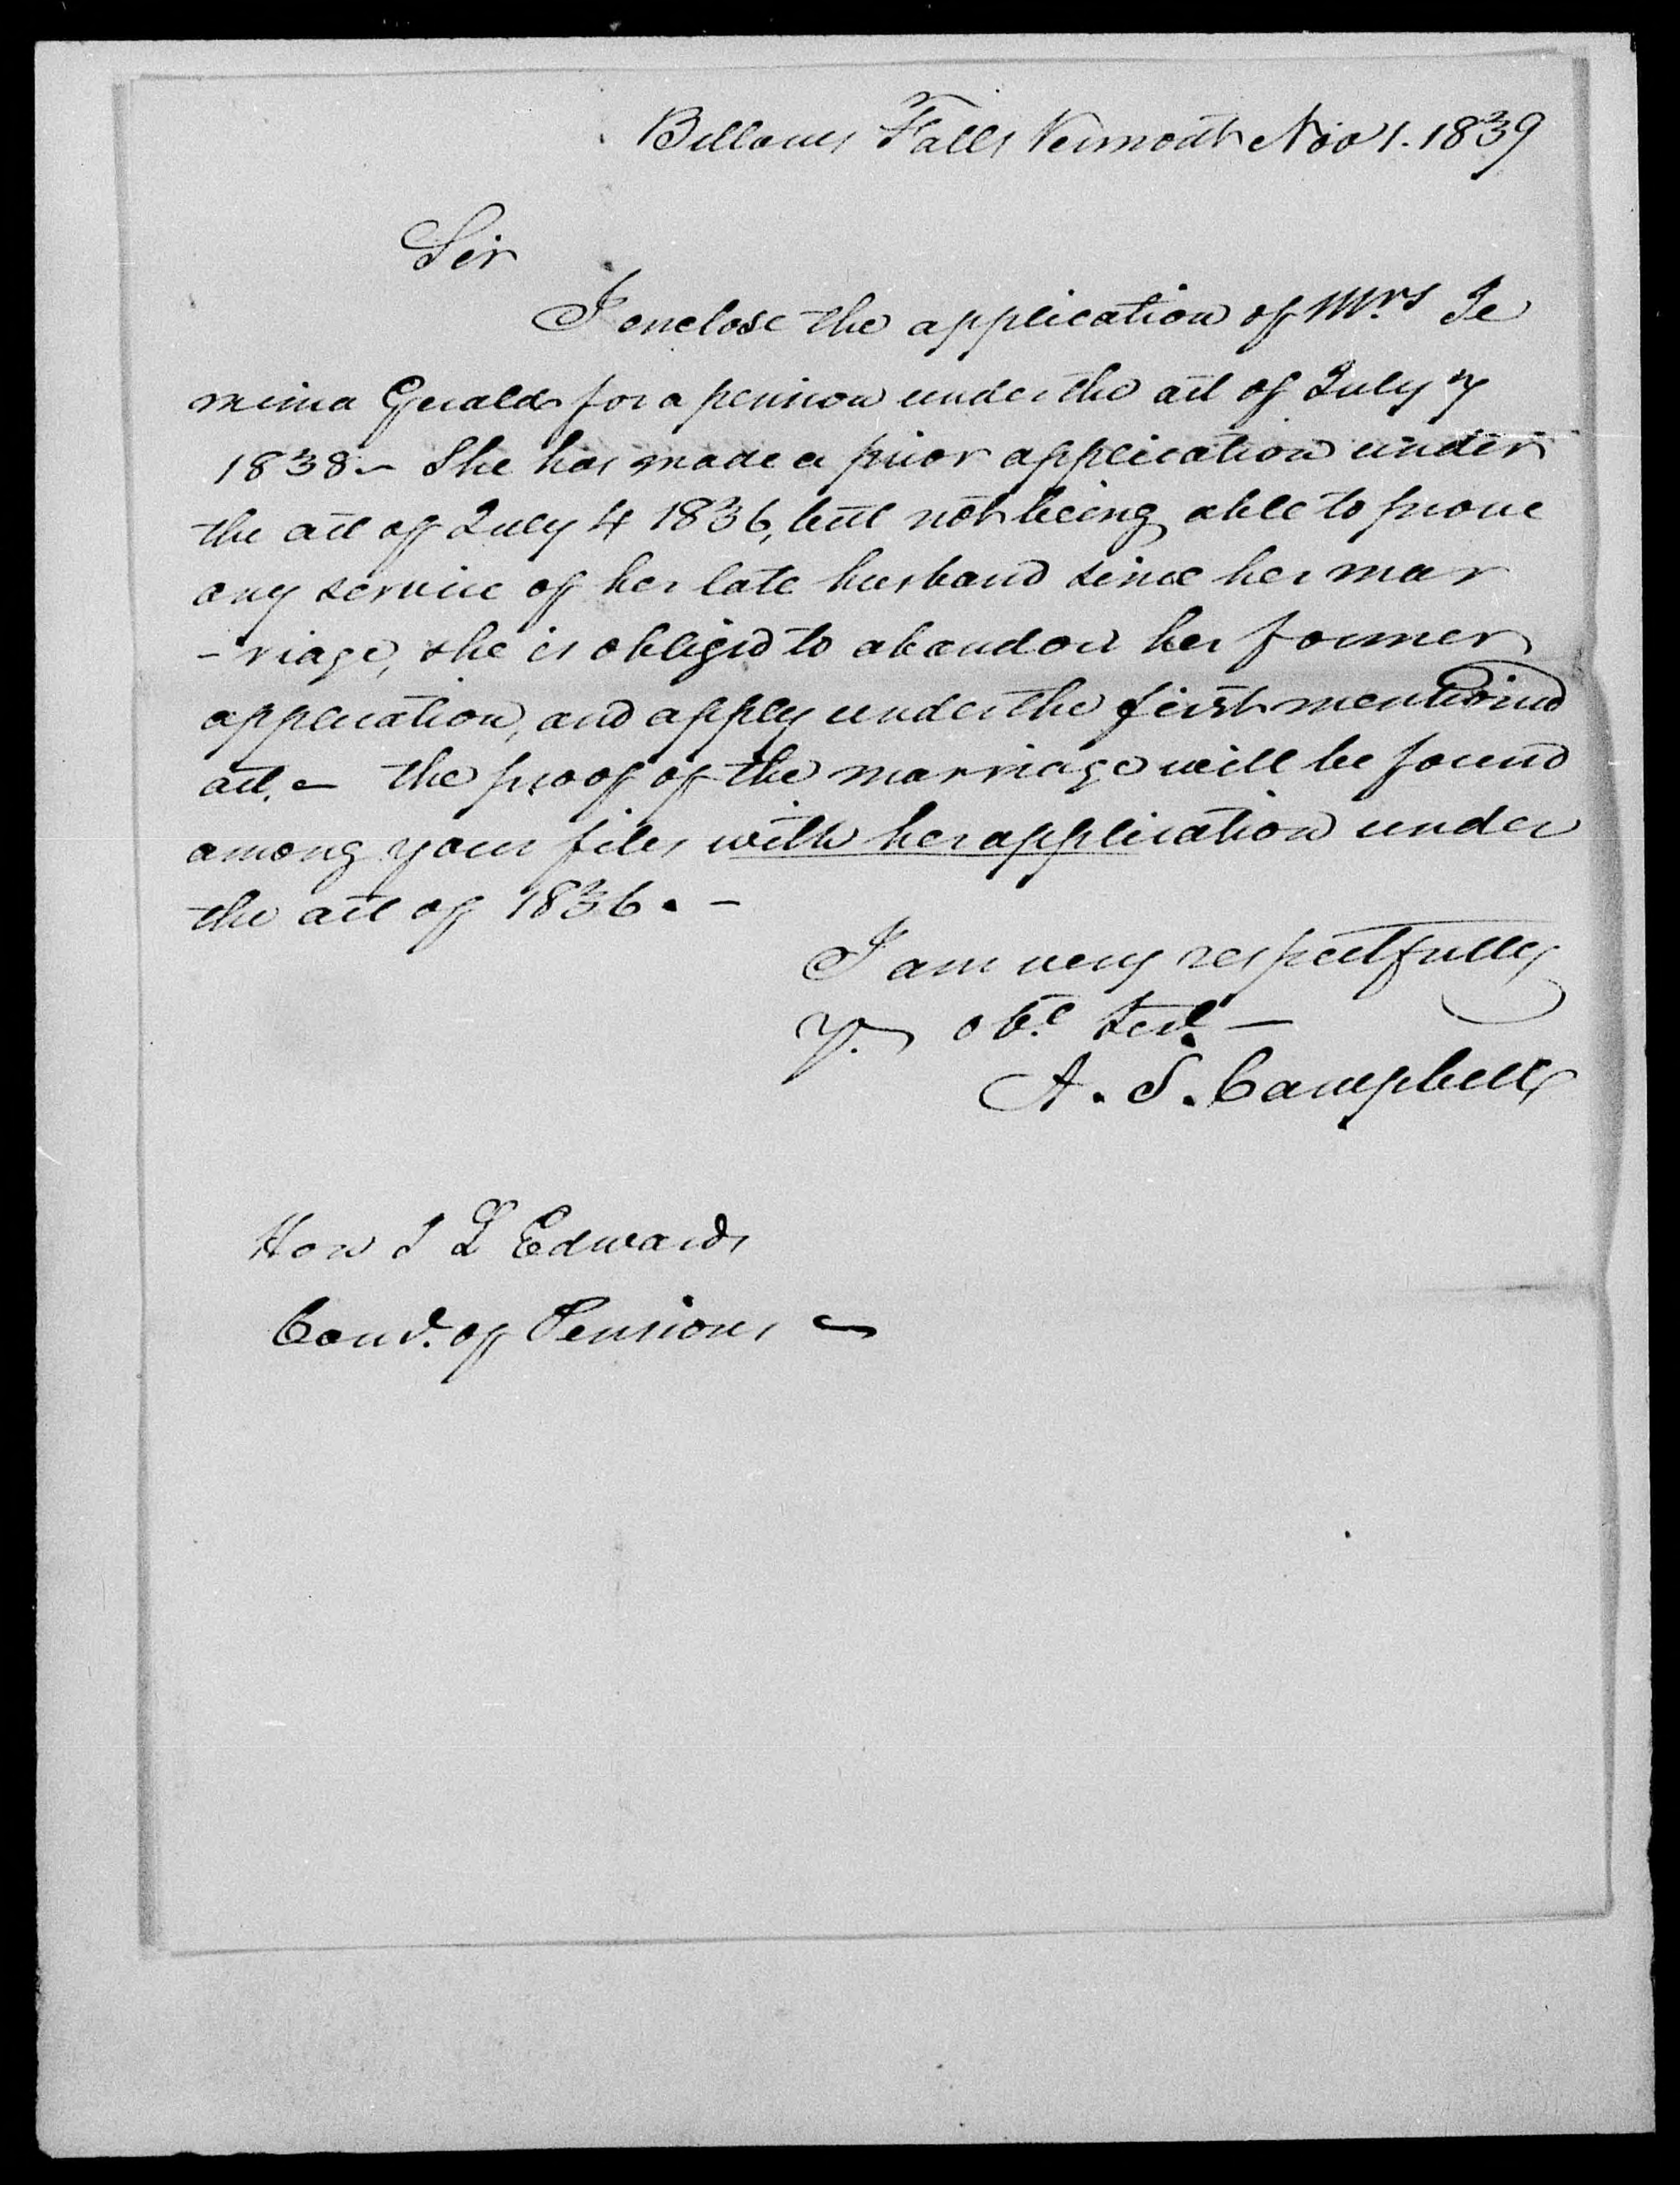Bellows Fall Vermont 1839
Sir
I enclose the application of Mrs. Jemima Gerald for a pension under the act of July 7 1838. She has made a prior application under the act of July 4 1836, but not being able to prove any service of her late husband since her marriage, she is obliged to abandon her former application, and apply under the first mentioned act, the proof of the marriage will be found among your files with her application under the act of 1836.
I am very respectfully 
Yr. obt. sevt.
A. S. Campbell
Hon. J. L. Edwards
Commissioner of Pensions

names: Jemima Gerald, J L Edwards, A S Campbell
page: 21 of 26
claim: widow's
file: W. 25619, Gamaliel Gerald, Mass.